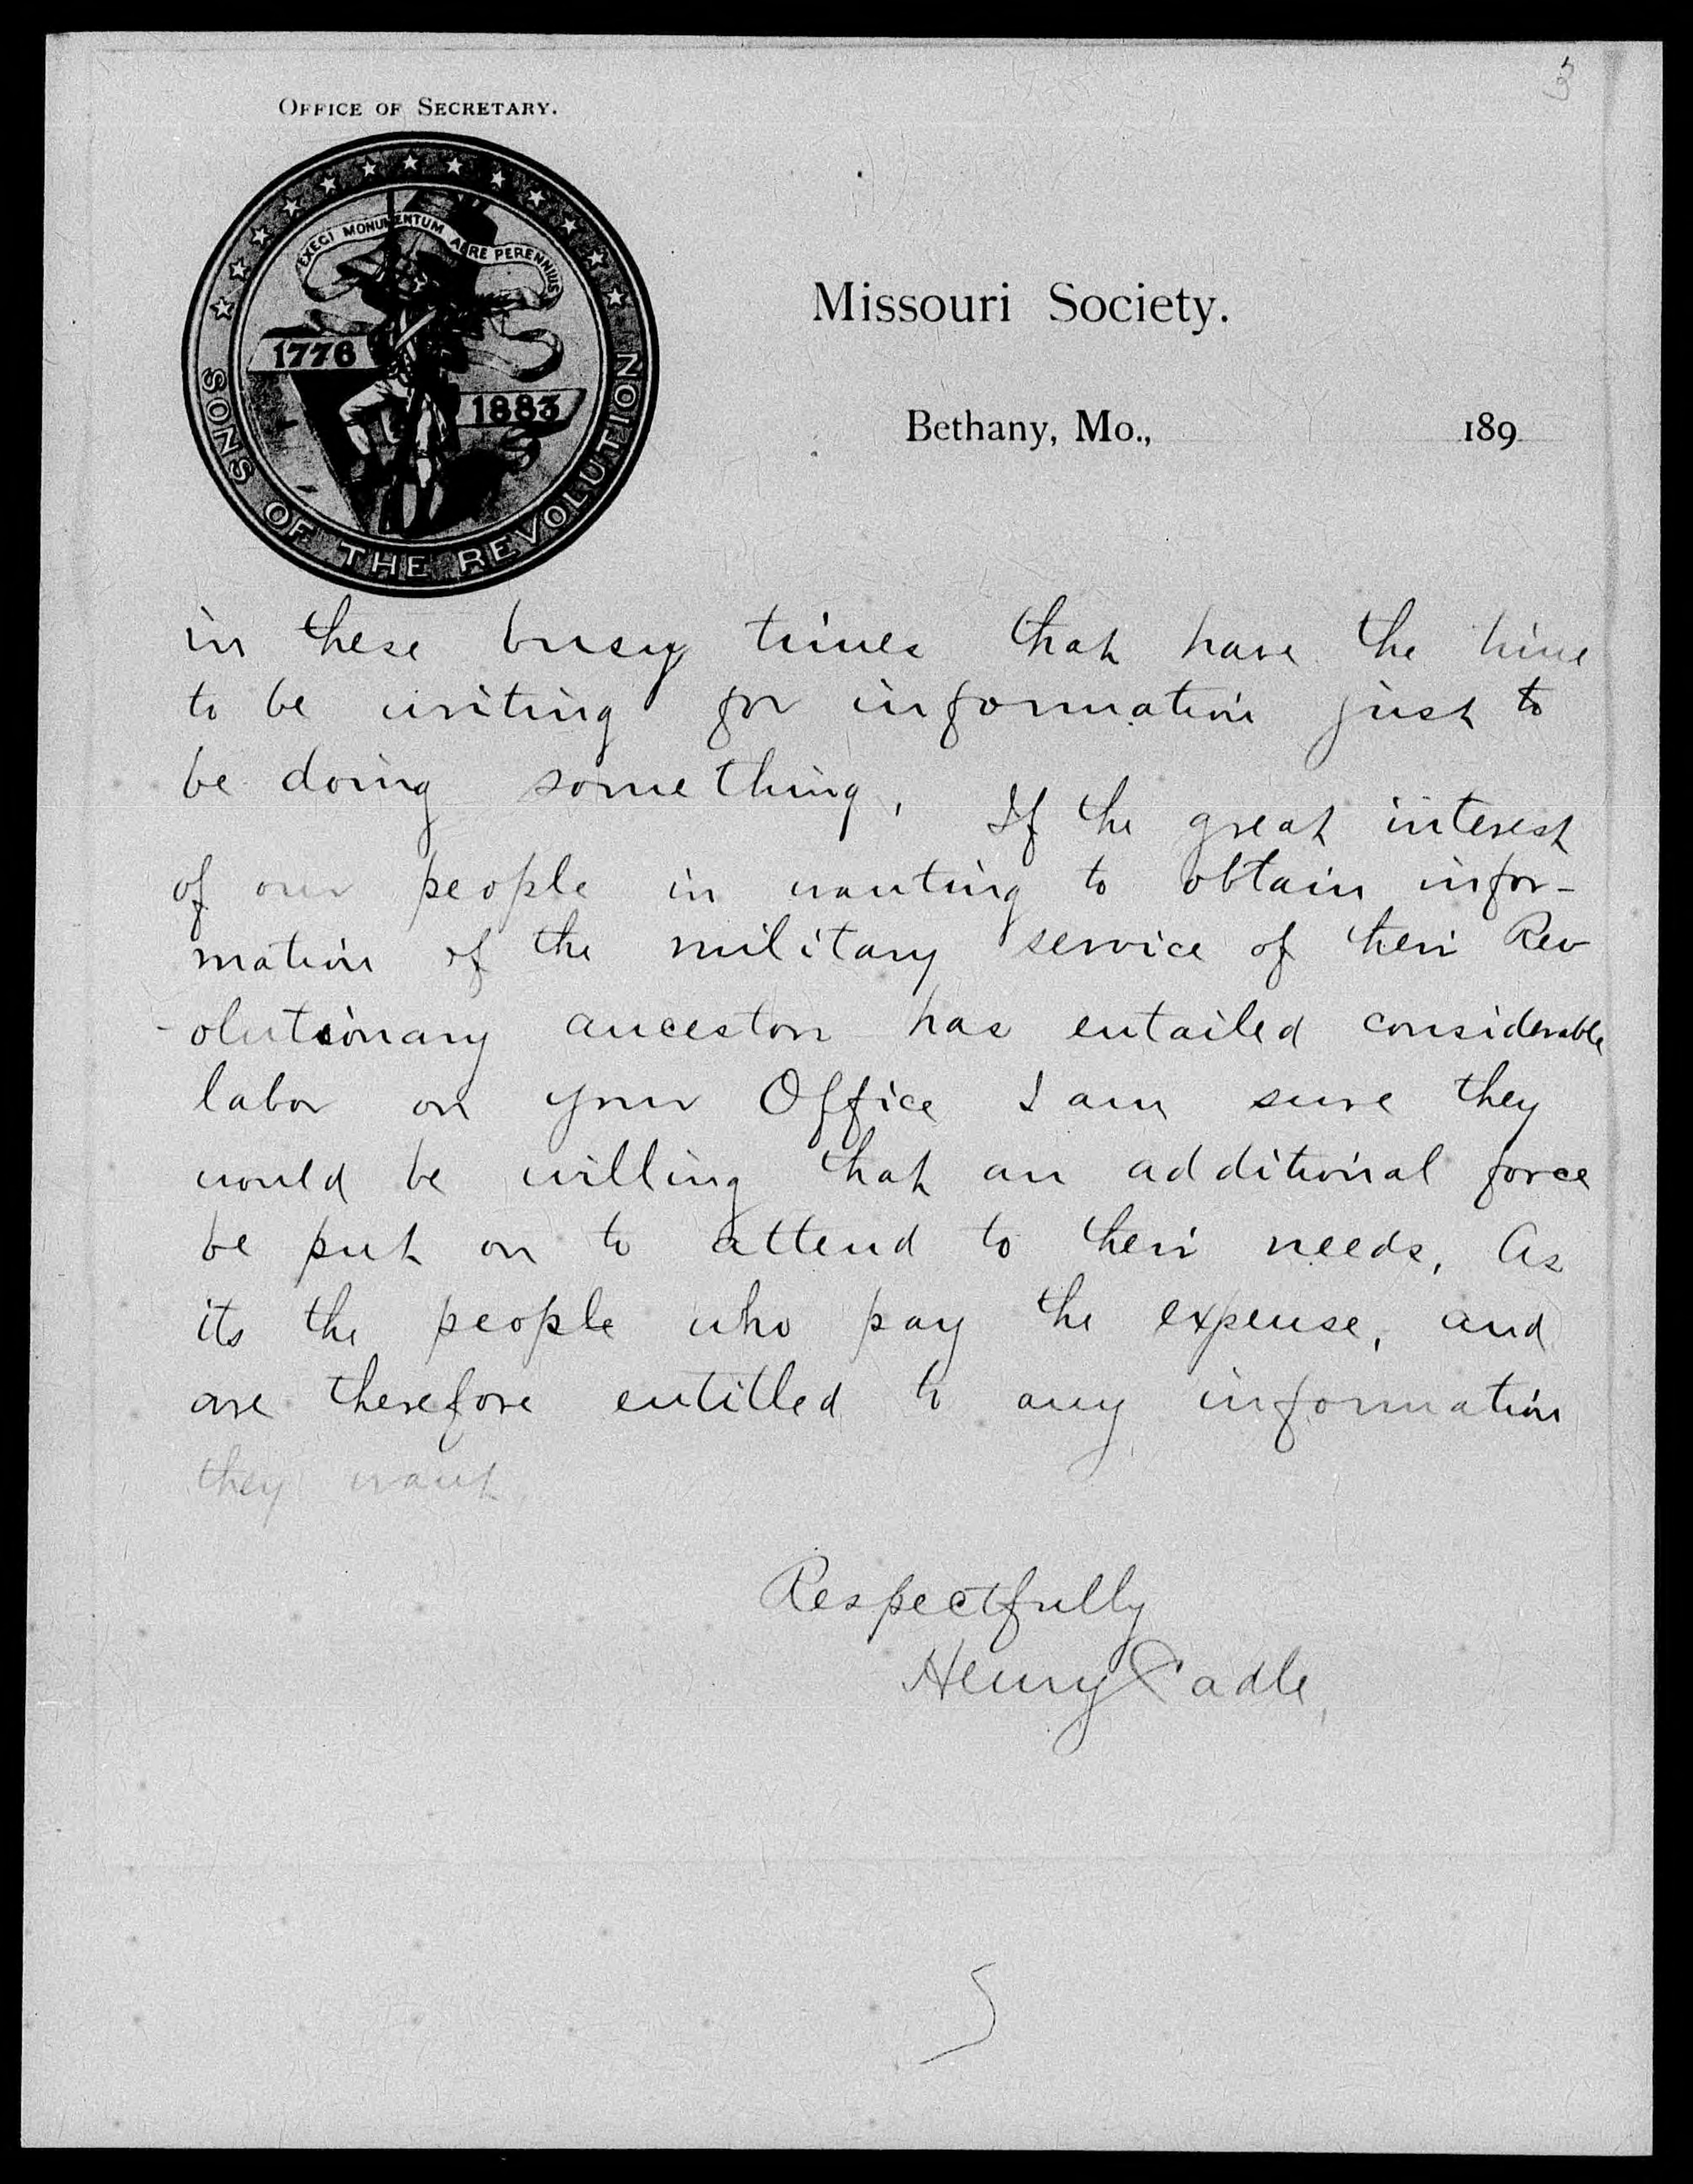Office of Secretary
[seal] SONS OF THE REVOLUTION 1776 1883
Missouri Society. Bethany, Mo.,--- 27 189

in these busy times that have the time to be writing for information just to be doing something.
If the great interest of our people in wanting to obtain information of the military service of their Revolutionary ancestors has entailed considerable labor on your Office I am sure they would be willing that an additional force be put on to attend to their needs, As its [sic] the people who pay the expense, and are therefore entitled to any information they want.
Respectfully
Henry Cadle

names: Henry Cadle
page: 38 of 53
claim: widow's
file: W. 492, for Daniel Lamprey, New Hampshire